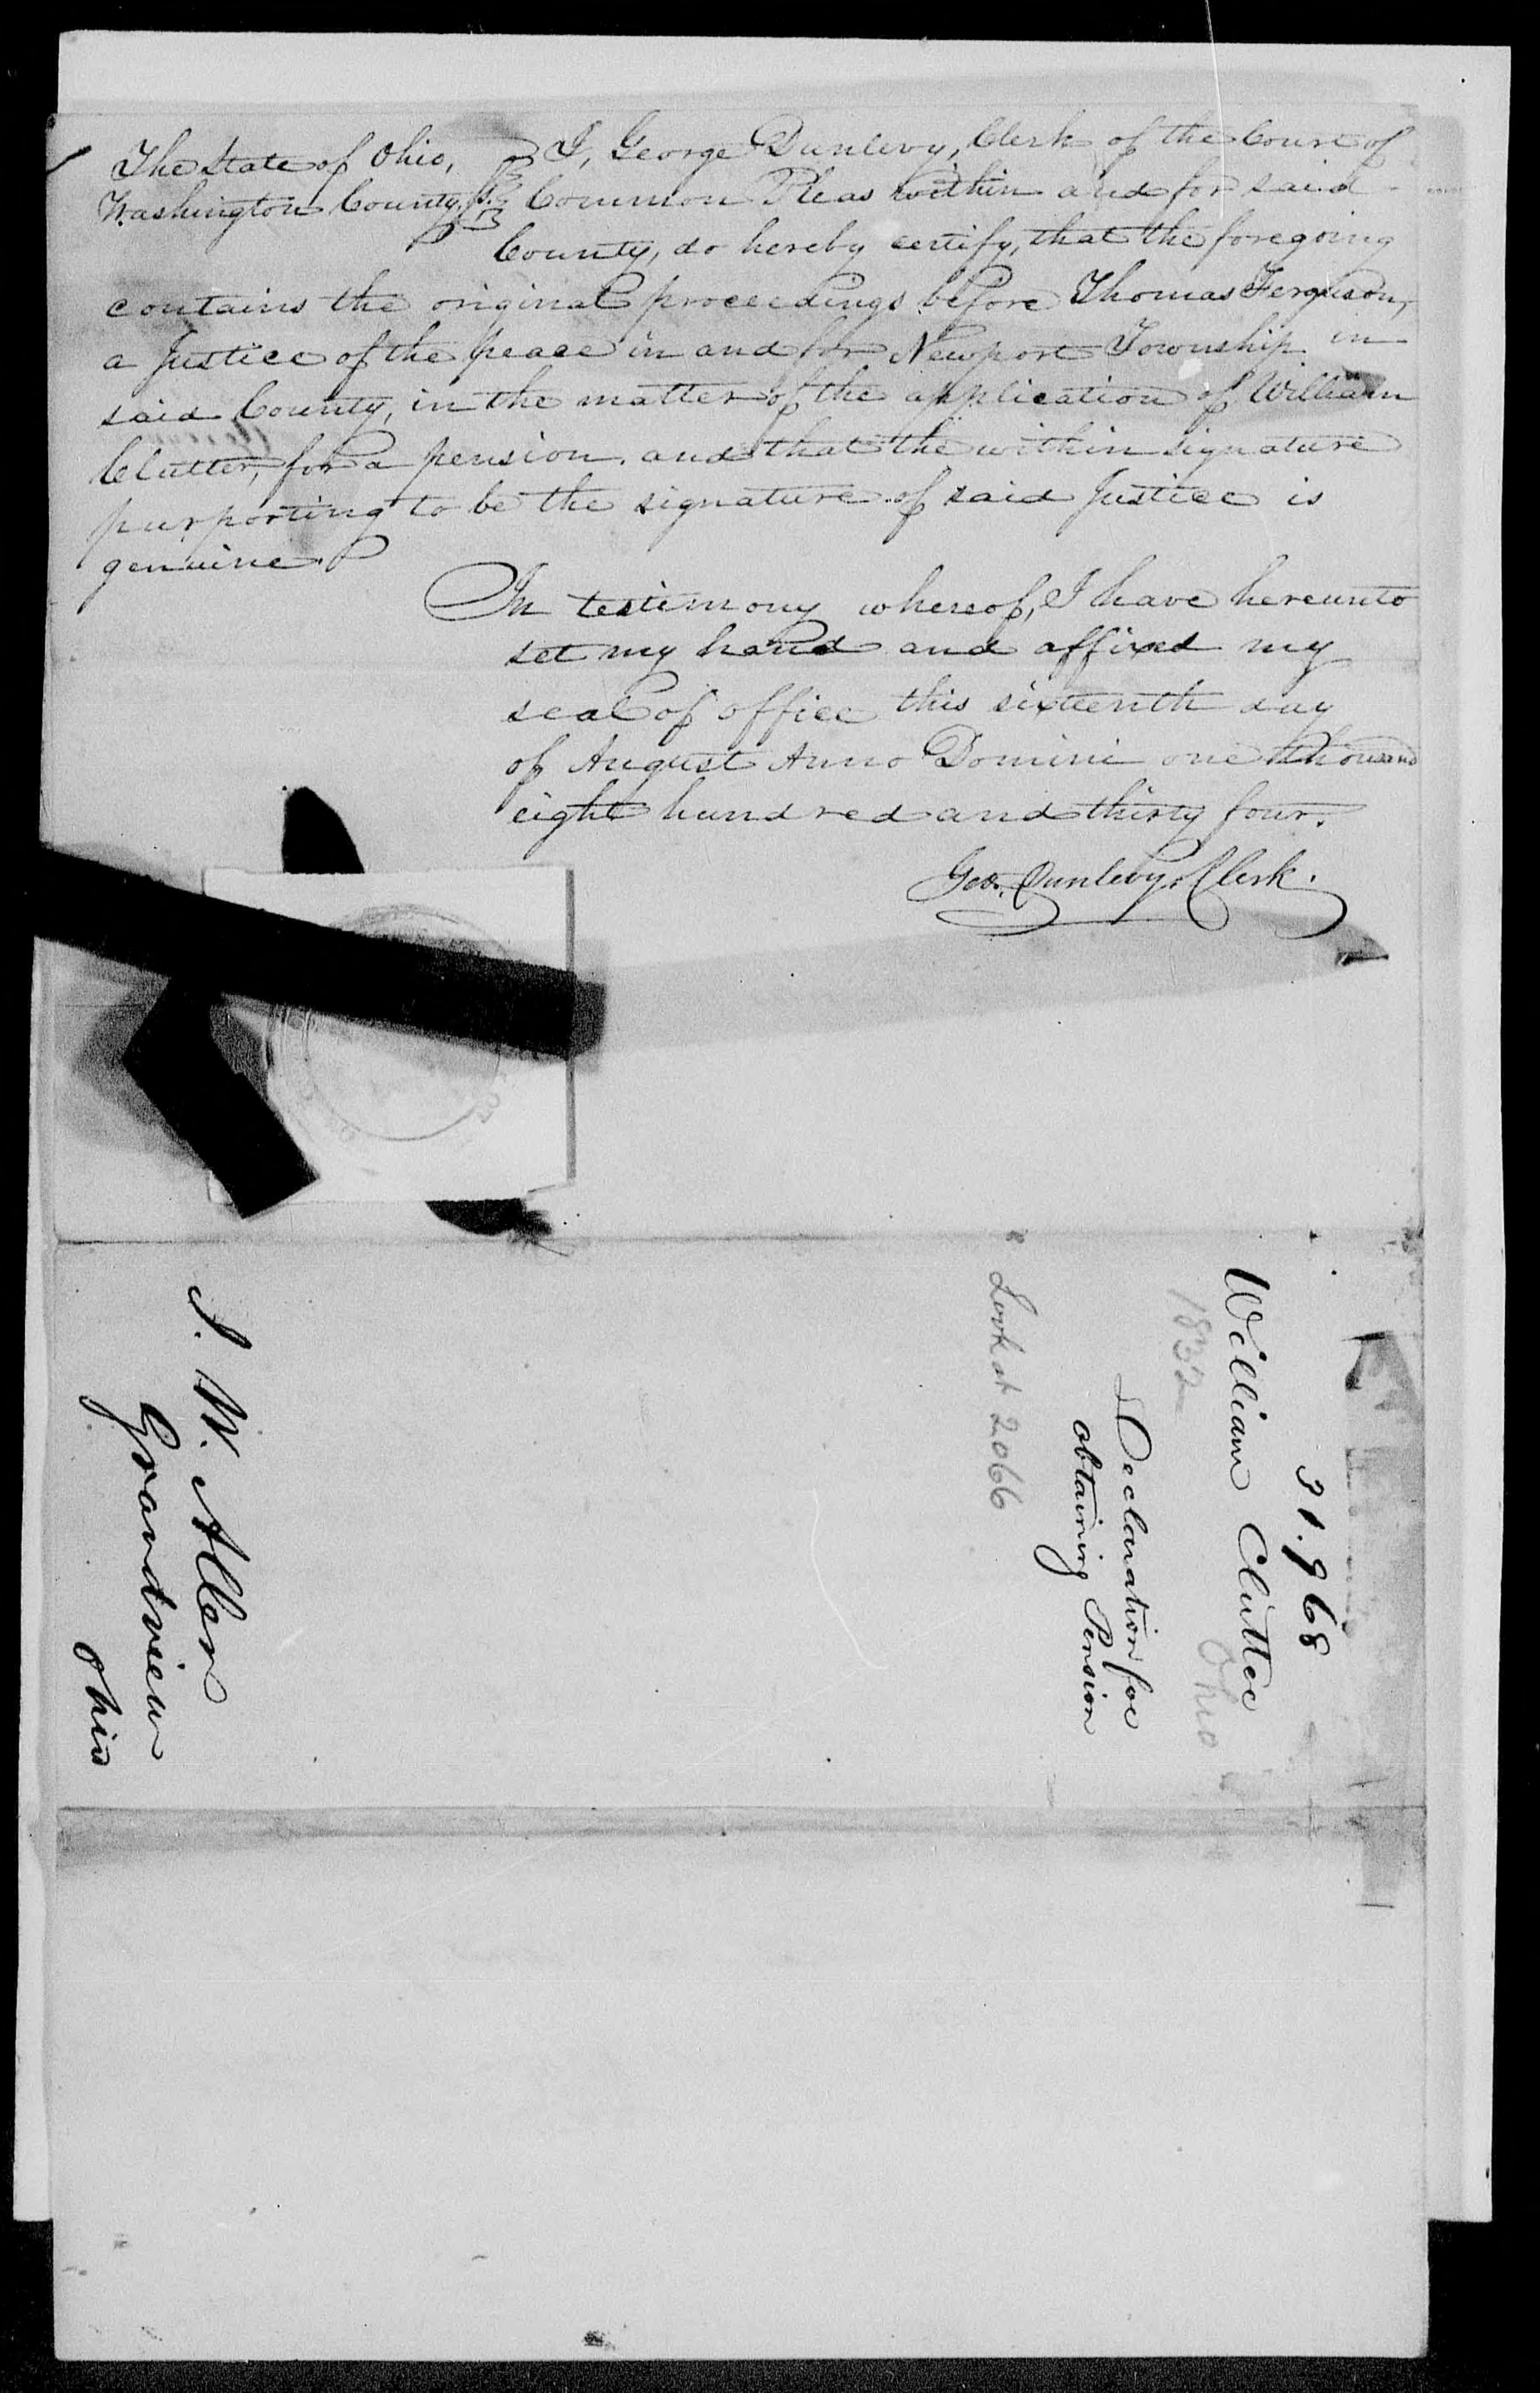The State of Ohio
Washington County }ss.
I, George Dunlevy, Clerk of the Court of Common Pleas within and for said County do hereby certify that the foregoing contains the original proceedings, before Thomas Ferguson, a Justice of the peace in and for Newport Township in said County, in the matter of the application of William Clutter, for a pension and that the within signature purporting to be the signature of said Justice is genuine. 
In testimony whereof, I have hereunto set my hand and affixed my seal of office this sixteenth day of August Anno Domini one thousand eight hundred and thirty four.
Geo. Dunlevy, Clerk

31,968
William Clutter
Declaration for obtaining pension
1832  Ohio

Look at 2066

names: Thomas Ferguson, William Clutter, J W Allen, George Dunlevy, William Clutter, Geo Dunlevy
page: 9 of 35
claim: rejected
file: R. 2066, William Clutter, New Jersey